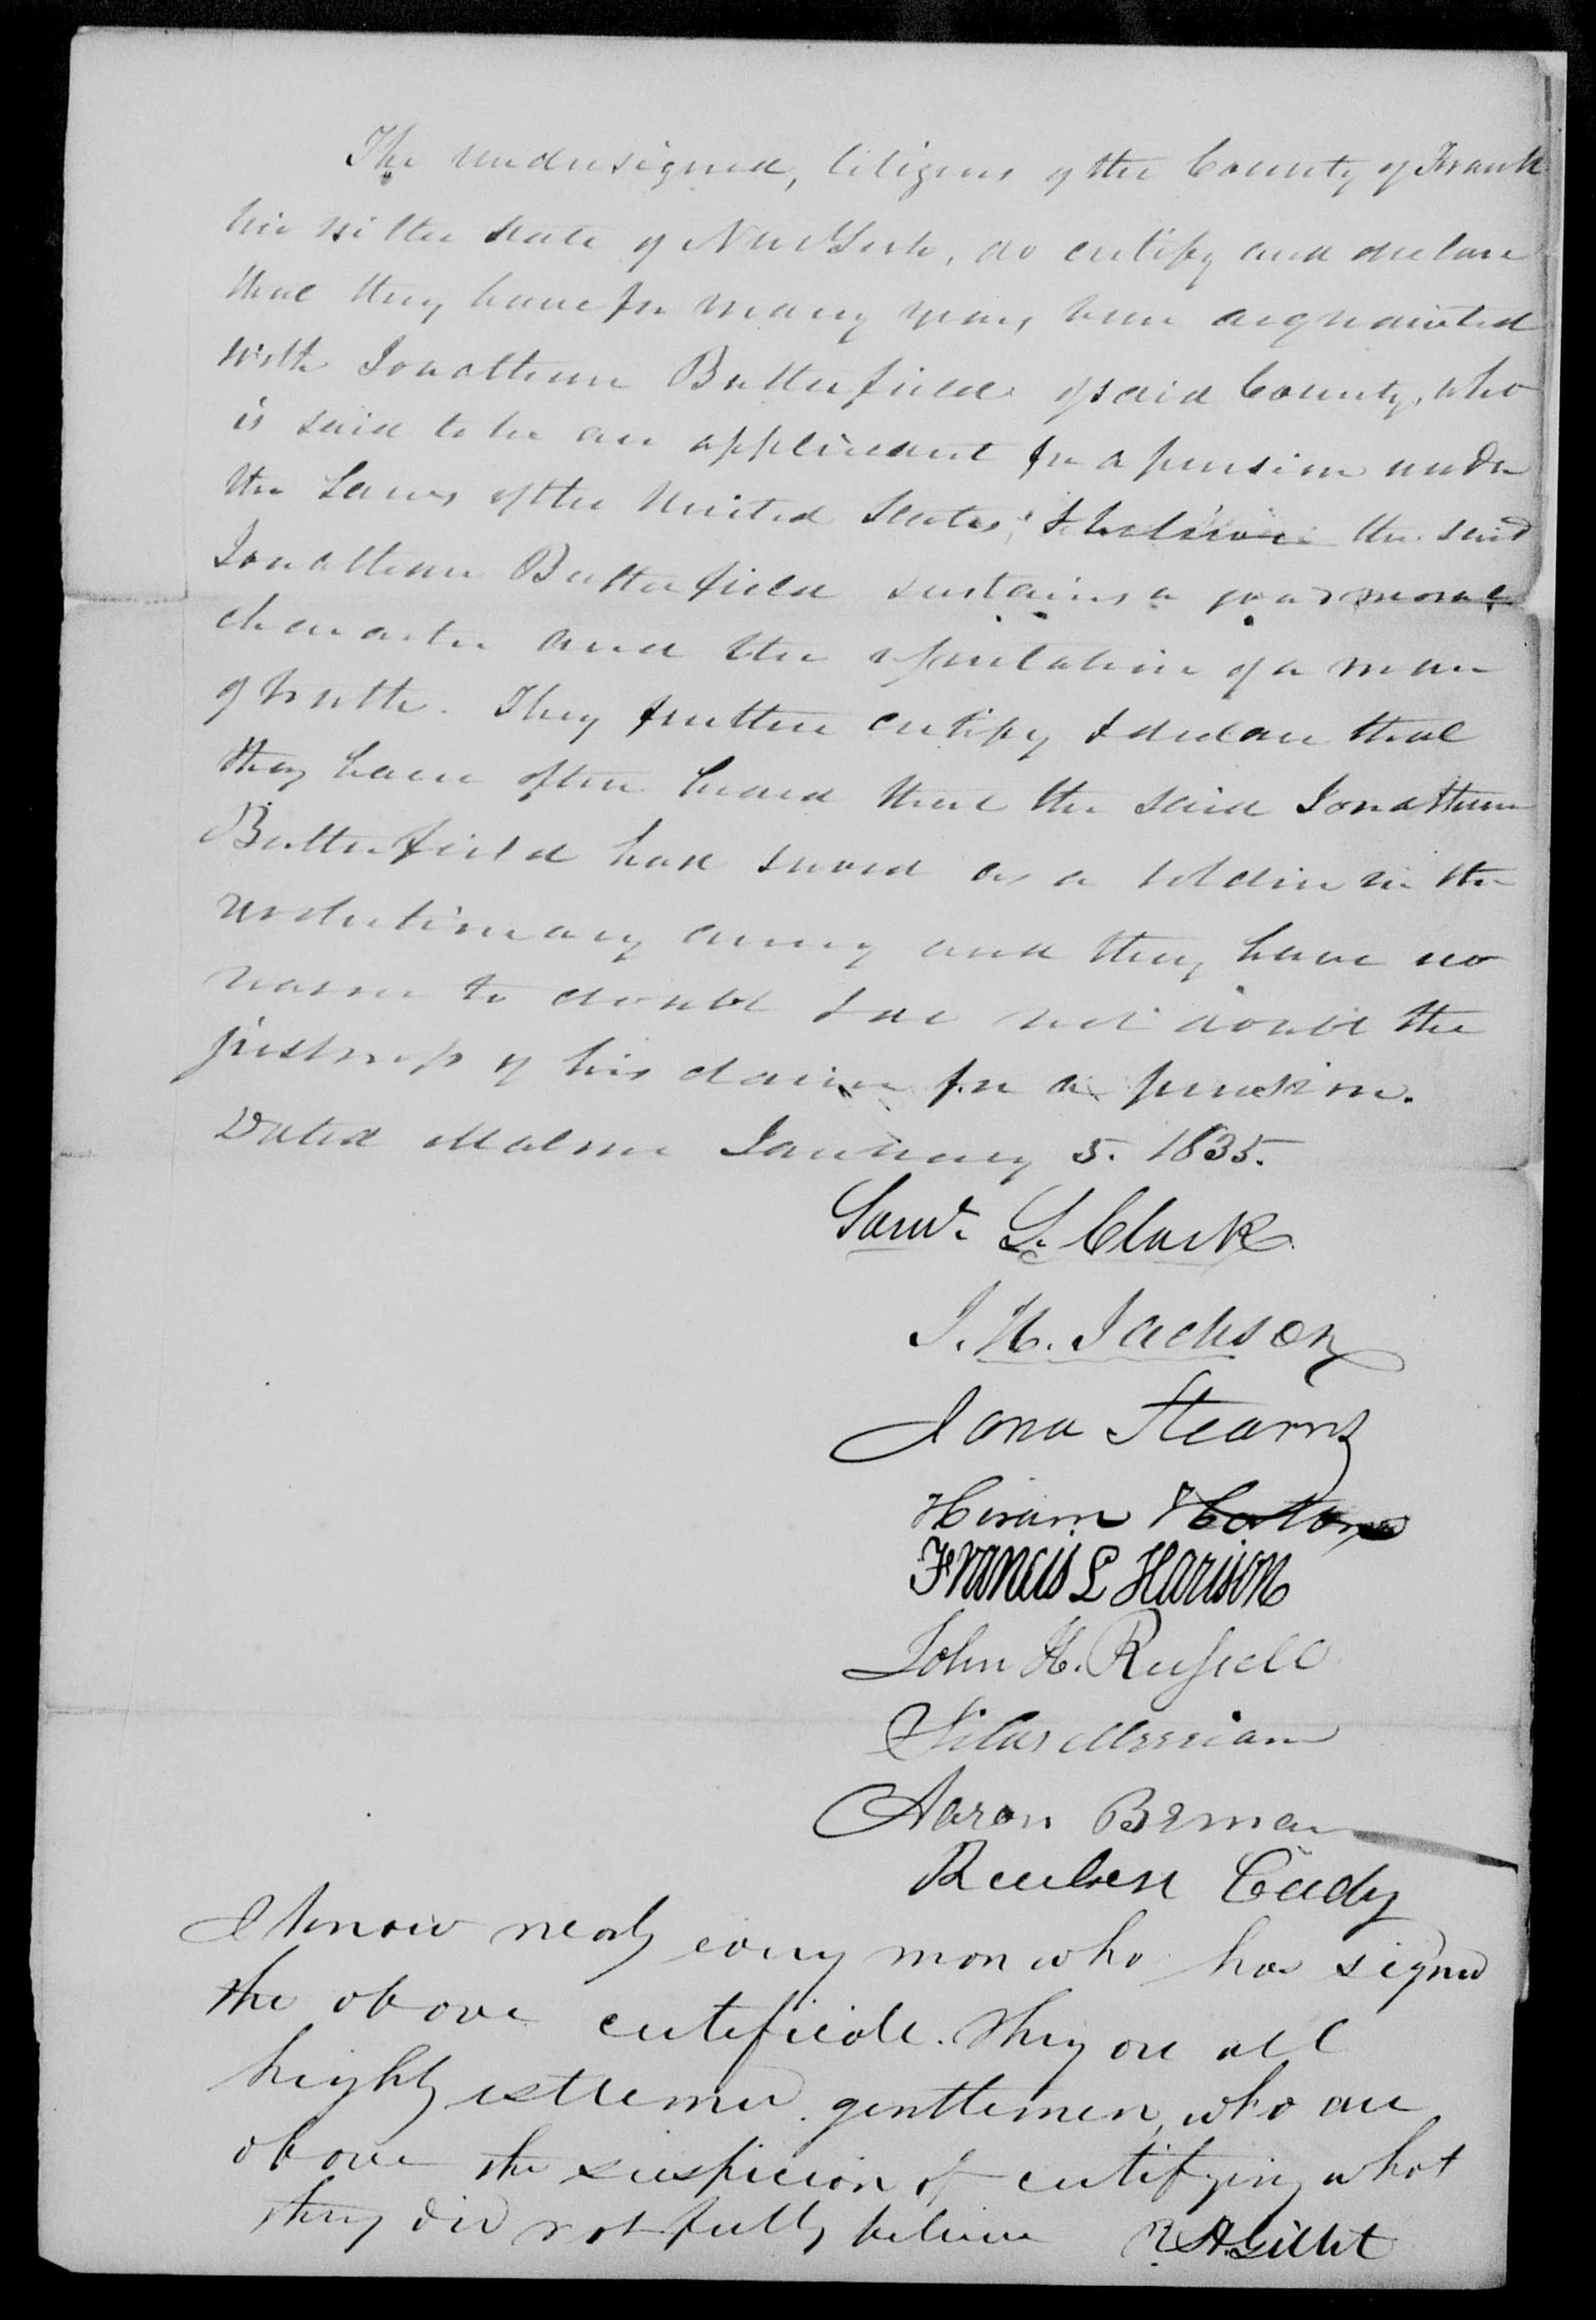The undersigned, citizens of the County of Franklin
his _____State of New York, do certify and declare that they have for many years been acquainted with Jonathan Butterfield of said County, who is said to be an applicant for a pension under the laws of the United States being the said Jonathan Butterfield sustains a good moral character and the reputation of a man of truth. They further certify & declare that they have often heard that the said Jonathan Butterfield has served as a soldier in the revolutionary army and they have no
reason to doubt the Justice of his claim for a pension.
Dated January 5, 1835.
Saml . Clark
J. H. Jackson
Jona. Sterns
Hiram Heaton
Francis L Harison
John H. Russell
Silas Merriam
Aaron Berman
Reuben Cady

I know nearly every man who has signed
the above certificate. they are all
highly esteemed gentlemen, who are
above the suspicion of certifying what
they did not fully believe.
                                 R.H. Gillet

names: Jonathan Butterfield, Silas Merrian, Hiram Haton, Jonathan Butterfield, Aaron Bernan, Saml L Clark, Jona Stearns, John H Russell, Francis L Harison, Reuben Cady, R H Gillet, J H Jackson, Jonathan Butterfield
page: 31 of 40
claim: rejected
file: R. 1558, Jonathan Butterfield, Mass. Vt.